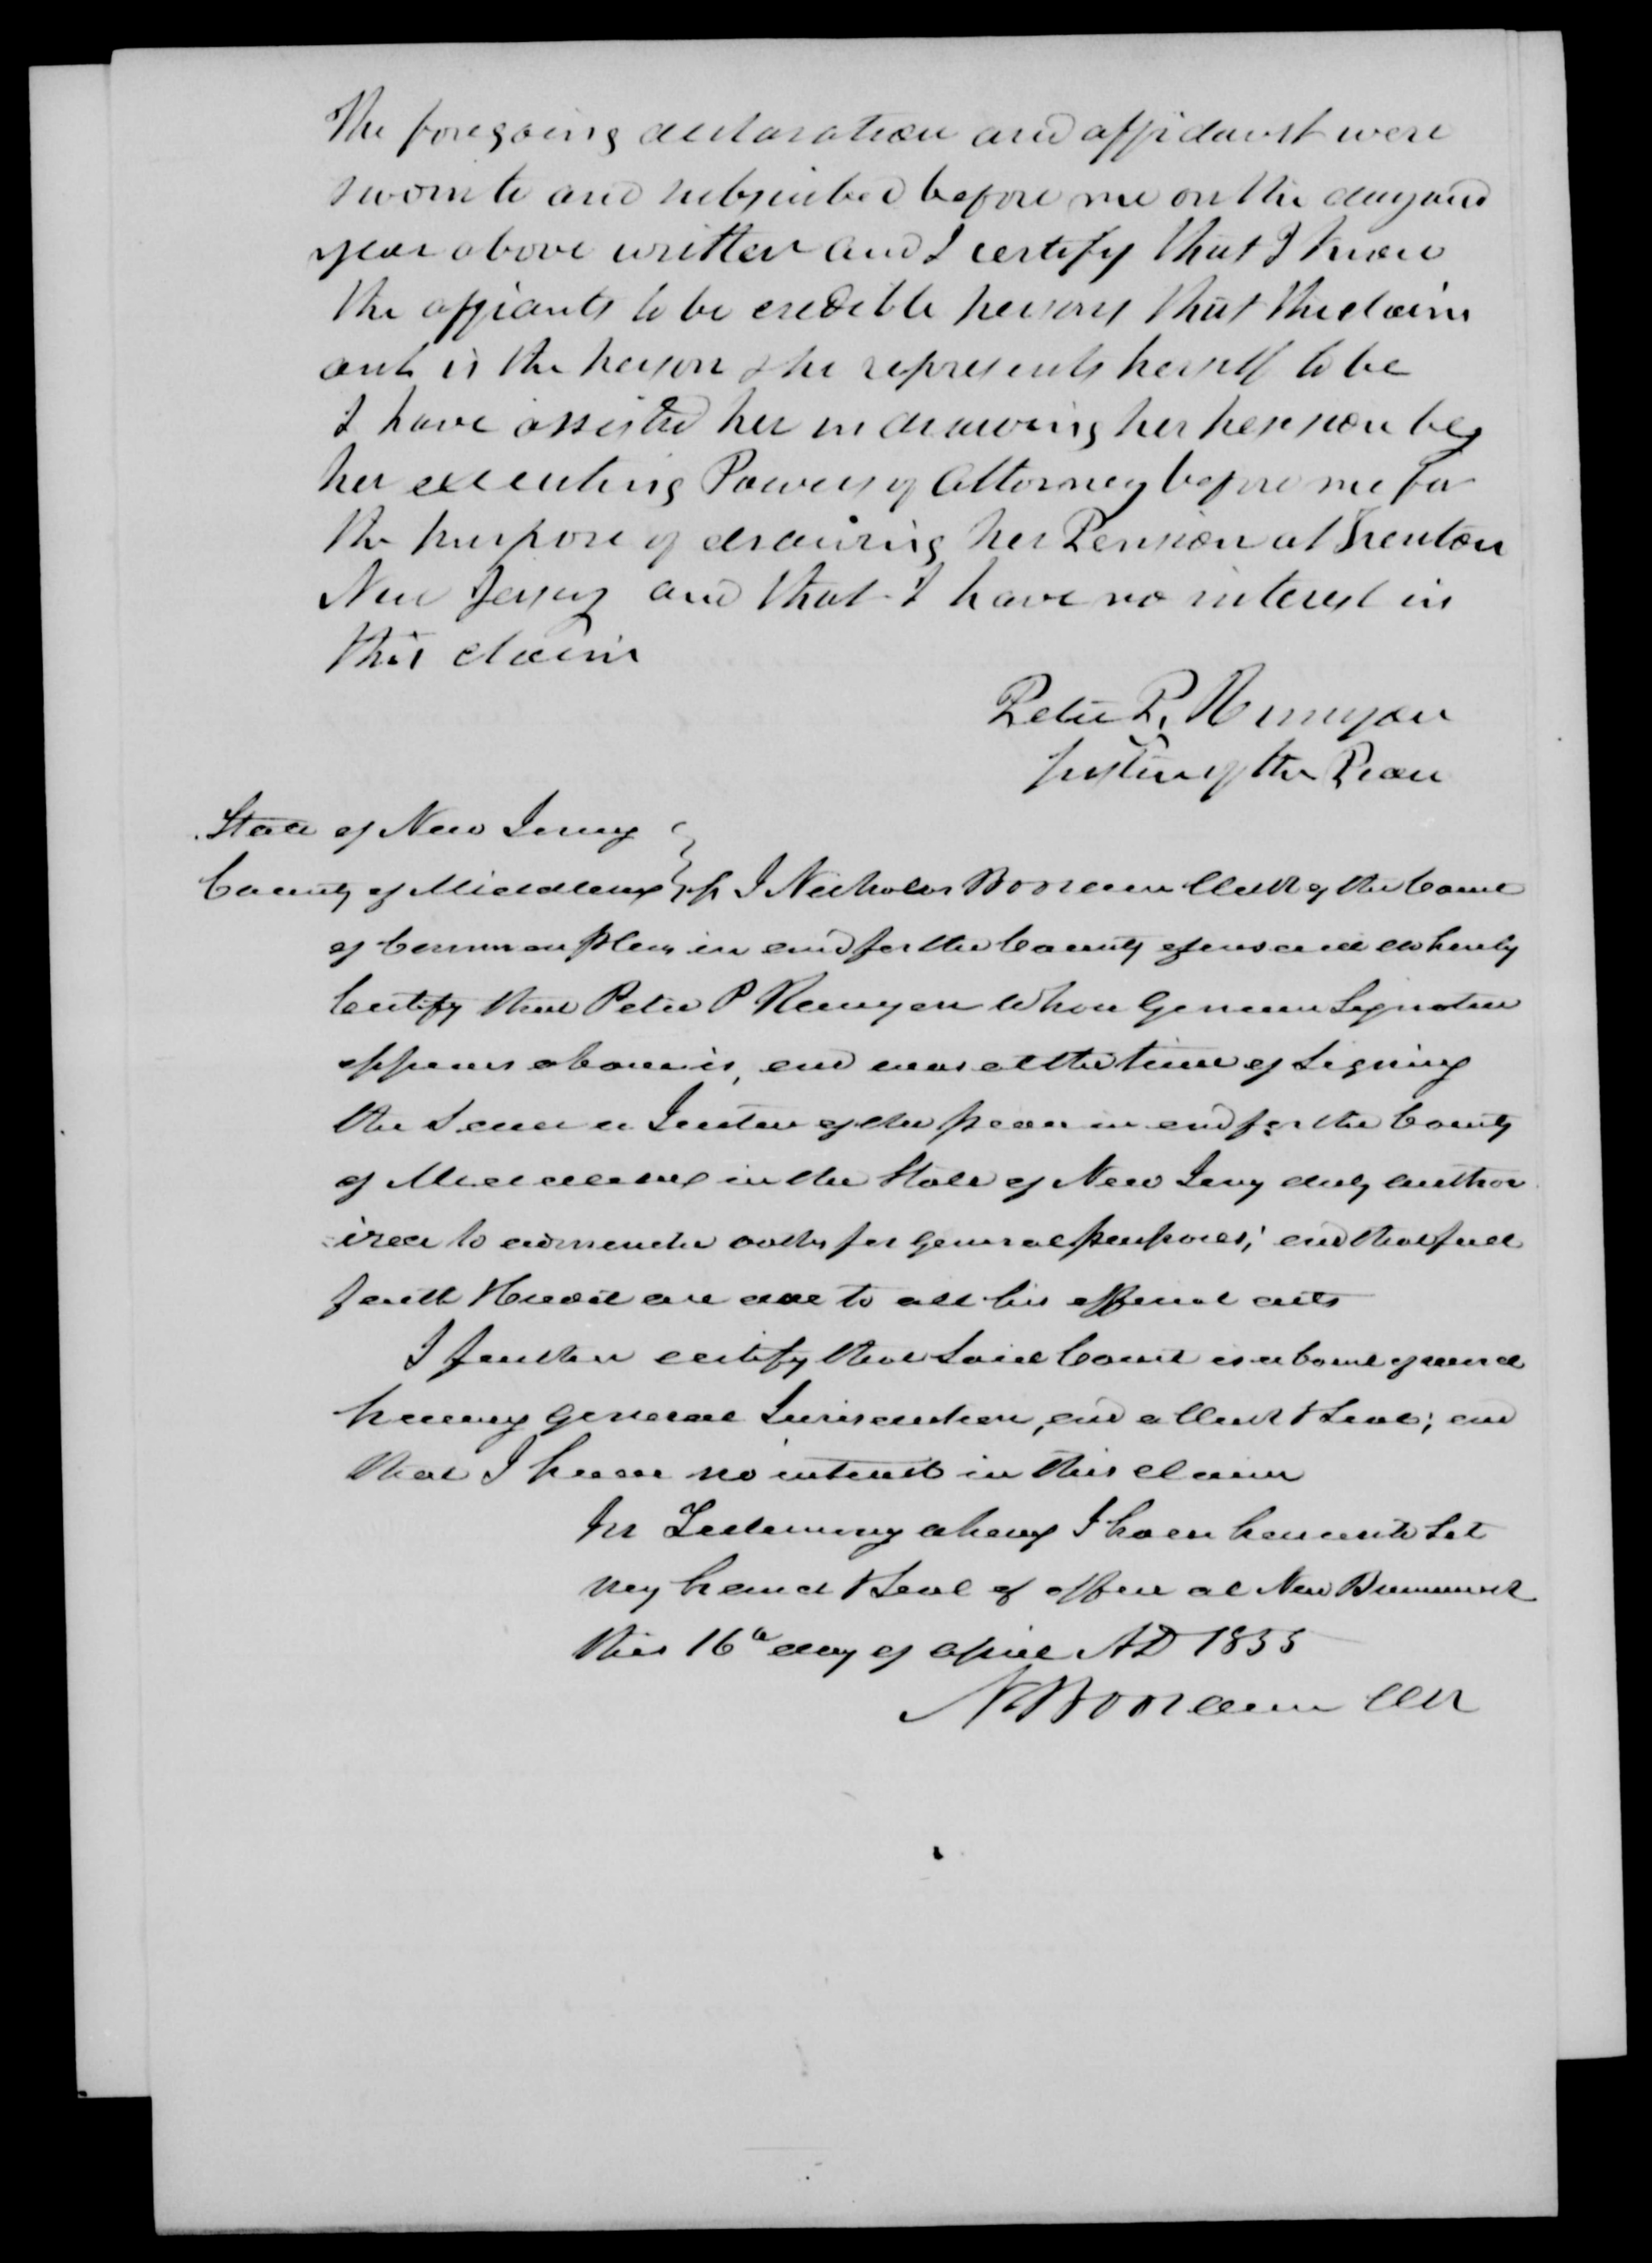The foregoing declaration and affidavit were sworn to and subscribed before me on the day and year above written and I certify that I know the affiants to be credible persons. That the claimant is the person she represents herself to be. I have assisted her in drawing her pension by her executing Power of Attorney before me for the purpose of drawing her pension at Trenton, New Jersey. And that I have no interest in this claim.
s/ Peter P. Runyon, Justice of the Peace

State of New Jersey
County of Middlesex//

I, Nicholas Booraem, Clerk of the Court of Common Pleas in and for the aforesaid hereby certify that Peter P. Runyon, whose genuine signature appears above, is and was at the time of signing the same a Justice of the Peace in and for the County of Middlesex in the State of New Jersey duly authorized to administer oaths for general purposes. And that full faith & credit are due to all his official acts. I further certify the said Court is a Court of Record having general jurisdiction and a Clerk & Seal. And that I have no interest in this claim.

In testimony whereof I have hereunto set my Hand & Seal of Office at New Brunswick this 16th day of April A.D. 1855.
s/ N. Booraem, Clerk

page: 18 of 46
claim: widow's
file: W. 6205, for John Slover, New Jersey